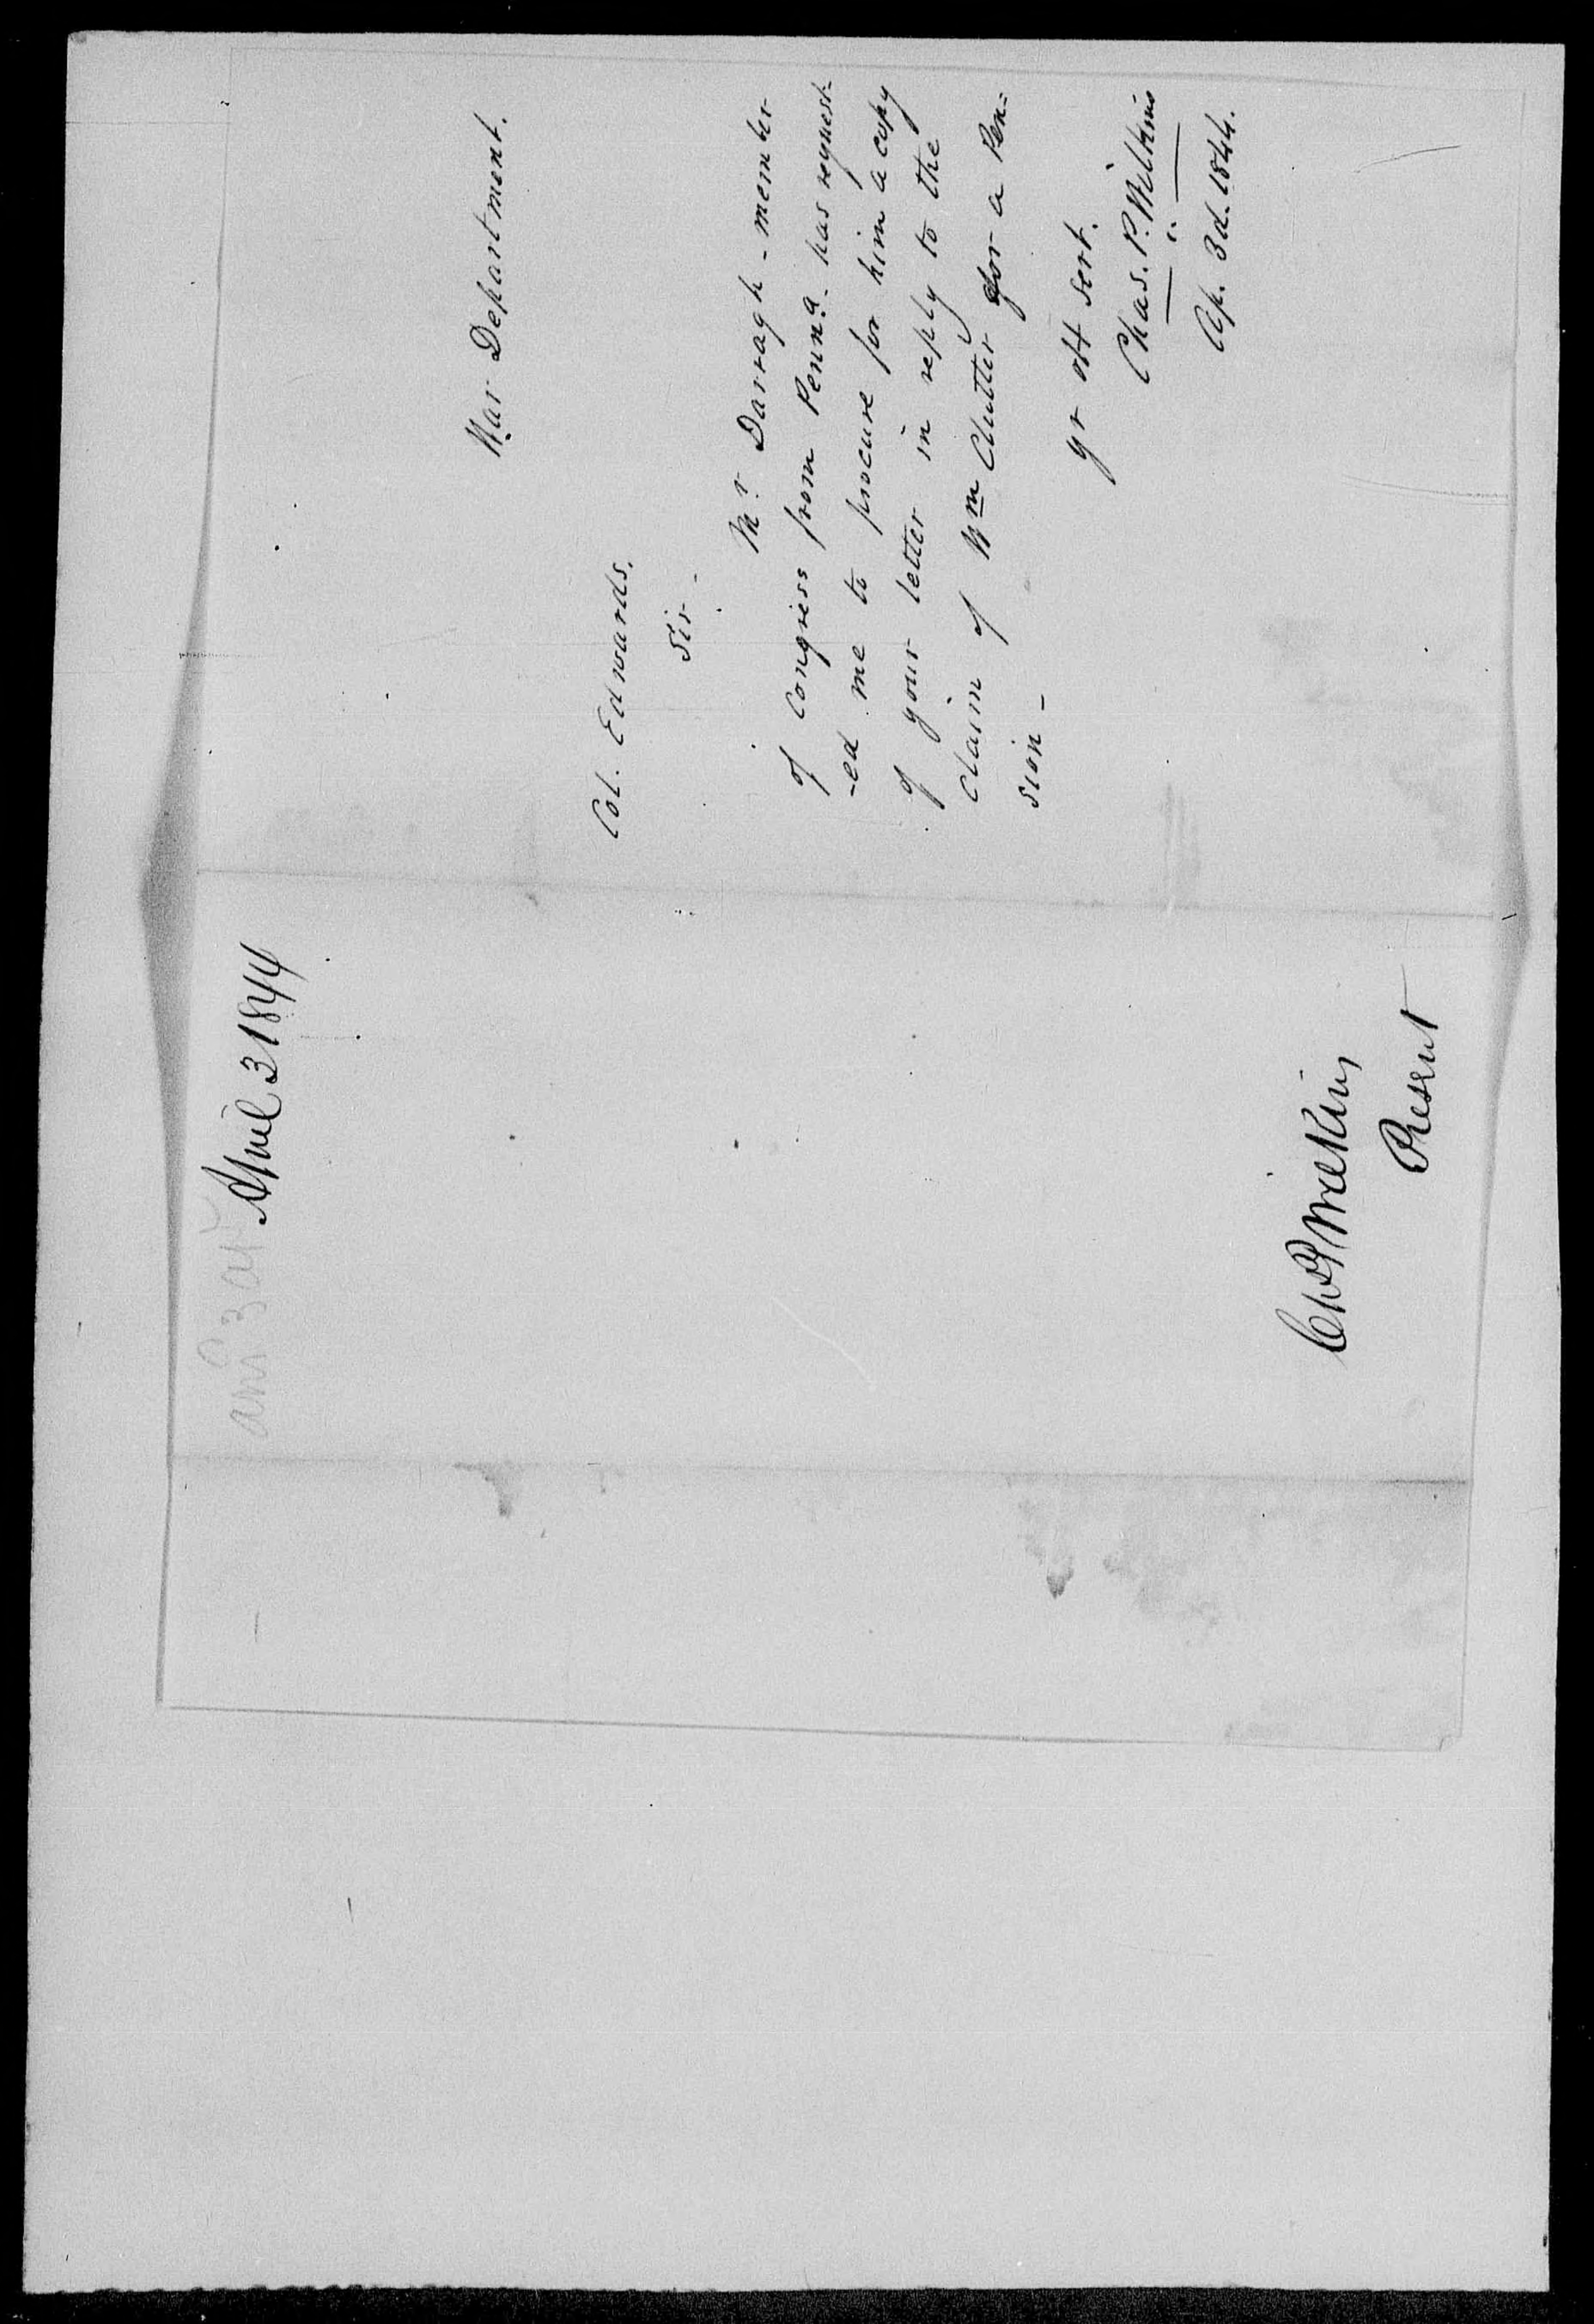April 3, 1844
War Department

Col. Edwards

Sir:
Mr. Darragh, member of Congress from Penna has requested me to procure for him a copy of your letter in reply to the claim of Wm Clutter for a pension.
Your obt Sert
Chas. P. Wilkins
Ap. 3d. 1844.


C P Wilkins
Present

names: Chs P Wilkins, Chas P Wilkins, Wm Clutter, Edwards, Darragh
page: 17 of 35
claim: rejected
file: R. 2066, William Clutter, New Jersey